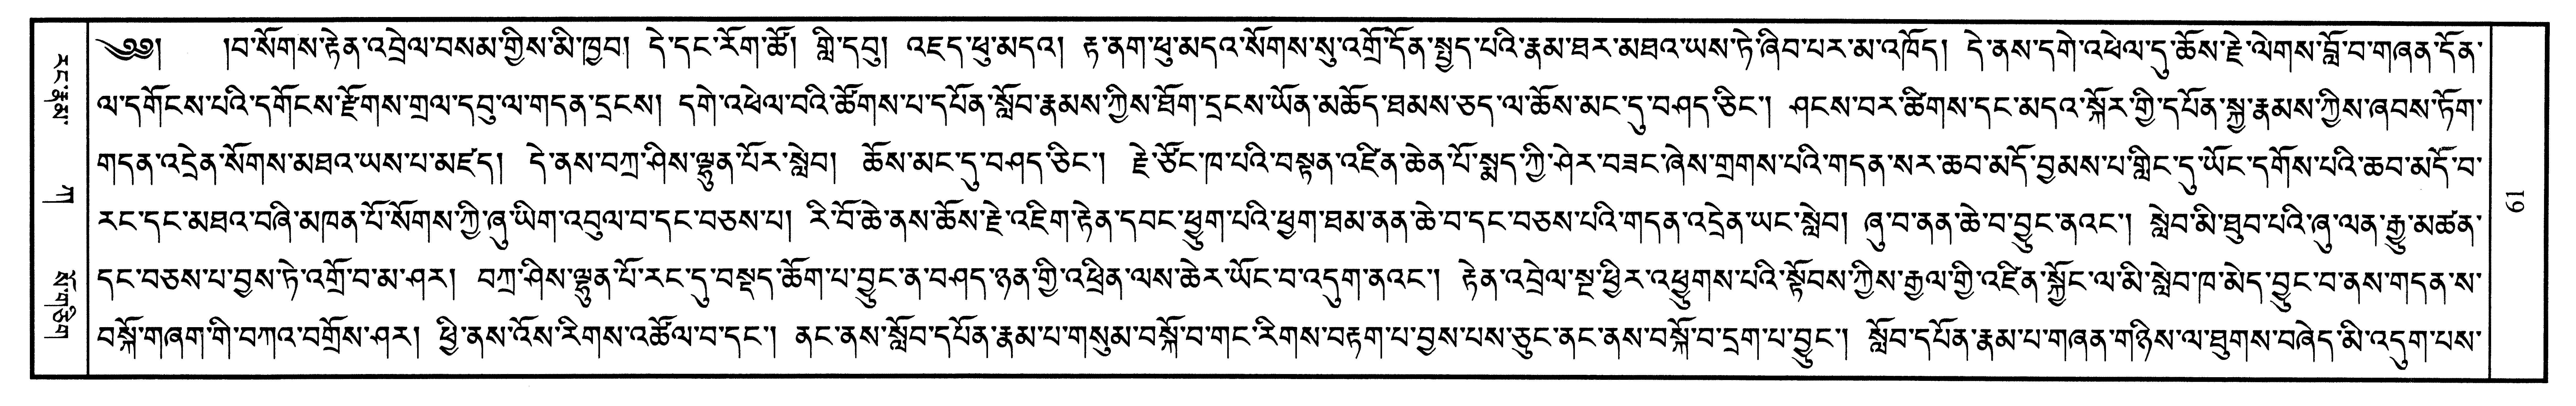༄༅། །བ་སོགས་རྟེན་འབྲེལ་བསམ་གྱིས་མི་ཁྱབ། དེ་དང་རོག་ཚོ། གླི་དབུ། འཇད་ཕུ་མདའ། རྟ་ནག་ཕུ་མདའ་སོགས་སུ་འགྲོ་དོན་སྤྱད་པའི་རྣམ་ཐར་མཐའ་ཡས་ཏེ་ཞིབ་པར་མ་འཁོད། དེ་ནས་དགེ་འཕེལ་དུ་ཆོས་རྗེ་ལེགས་བློ་བ་གཞན་དོན་
ལ་དགོངས་པའི་དགོངས་རྫོགས་གྲལ་དབུ་ལ་གདན་དྲངས། དགེ་འཕེལ་བའི་ཚོགས་པ་དཔོན་སློབ་རྣམས་ཀྱིས་ཐོག་དྲངས་ཡོན་མཆོད་ཐམས་ཅད་ལ་ཆོས་མང་དུ་བཤད་ཅིང་། ཤངས་བར་ཚིགས་དང་མདའ་སྐོར་གྱི་དཔོན་སྐྱ་རྣམས་ཀྱིས་ཞབས་ཏོག་
གདན་འདྲེན་སོགས་མཐའ་ཡས་པ་མཛད། དེ་ནས་བཀྲ་ཤིས་ལྷུན་པོར་སླེབ། ཆོས་མང་དུ་བཤད་ཅིང་། རྗེ་ཙོང་ཁ་པའི་བསྟན་བཅོས་འཛིན་ཆེན་པོ་སྨད་ཀྱི་ཤེར་བཟང་ཞེས་གྲགས་པའི་གདན་སར་ཆབ་མདོ་བྱམས་པ་གླིང་དུ་ཡོང་དགོས་པའི་ཆབ་མདོ་བ་
རང་དང་མཐའ་བཞི་མཁན་པོ་སོགས་ཀྱི་ཞུ་ཡིག་འབུལ་བ་དང་བཅས་པ། རི་བོ་ཆེ་ནས་ཆོས་རྗེ་འཇིག་རྟེན་དབང་ཕྱུག་པའི་ཕྱག་ཐམ་ནན་ཆེ་བ་དང་བཅས་པའི་གདན་འདྲེན་ཡང་སླེབ། ཞུ་བ་ནན་ཆེ་བ་བྱུང་ནའང་། སླེབ་མི་ཐུབ་པའི་ཞུ་ལན་རྒྱུ་མཚན་
དང་བཅས་པ་བྱས་ཏེ་འགྲོ་བ་མ་ཤར། བཀྲ་ཤིས་ལྷུན་པོ་རང་དུ་བསྡད་ཆོག་པ་བྱུང་ན་བཤད་ཉན་གྱི་འཕྲིན་ལས་ཆེར་ཡོང་བ་འདུག་ནའང་། རྟེན་འབྲེལ་སྔ་ཕྱིར་འཕྱུགས་པའི་སྟོབས་ཀྱིས་རྒྱལ་གྱི་འཛིན་སྐྱོང་ལ་མི་སླེབ་ཁ་མེད་བྱུང་བ་ནས་གདན་ས་
བསྐོ་གཞག་གི་བཀའ་བགྲོས་ཤར། ཕྱི་ནས་འོས་རིགས་འཚོལ་བ་དང་། ནང་ནས་སློབ་དཔོན་རྣམ་པ་གསུམ་བསྐོ་བ་གང་རིགས་བརྟག་པ་བྱས་པས་ཅུང་ནང་ནས་བསྐོ་བ་དྲག་པ་བྱུང་། སློབ་དཔོན་རྣམ་པ་གཞན་གཉིས་ལ་ཐུགས་བཞེད་མི་འདུག་པས་